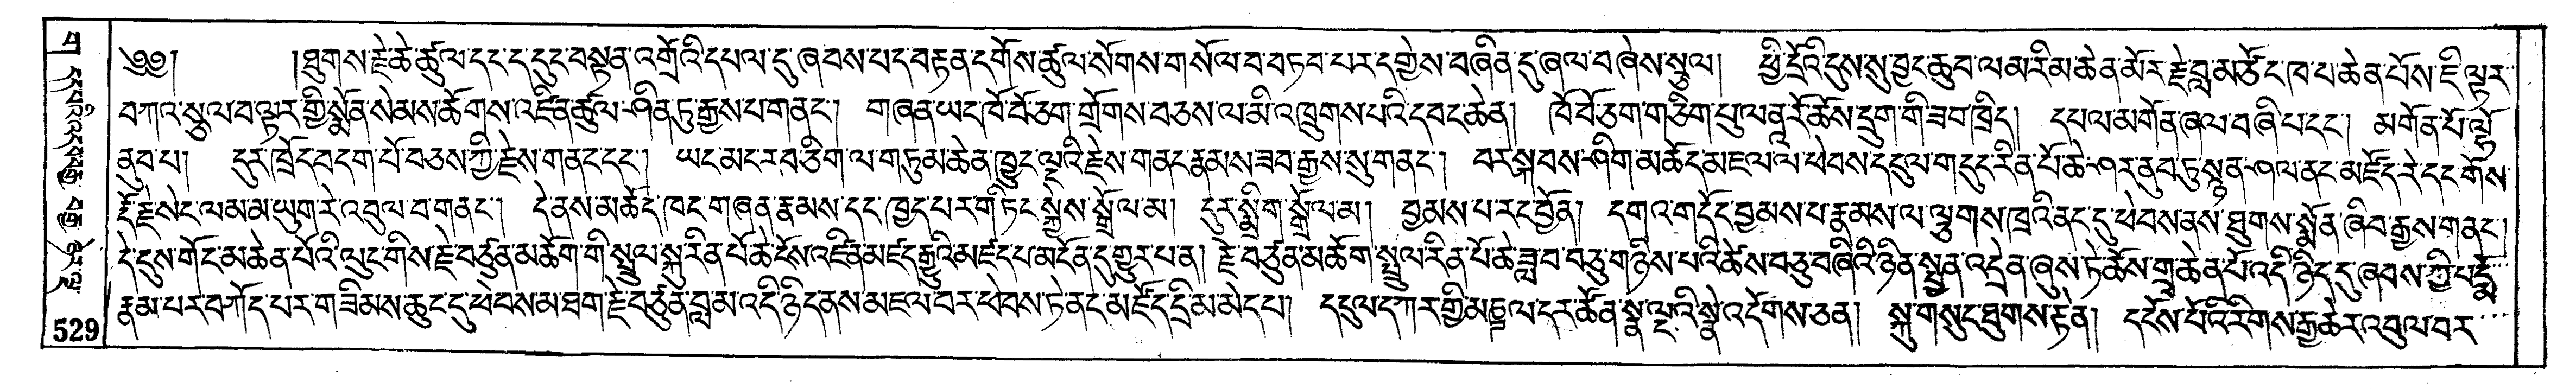༄༅། །ཐུགས་རྗེ་ཆེ་ཚུལ་དང་ད་དུང་བསྟན་འགྲོའི་དཔལ་དུ་ཞབས་པད་བརྟན་དགོས་ཚུལ་སོགས་གསོལ་བ་བཏབ་པར་དགྱེས་བཞིན་དུ་ཞལ་བཞེས་སྩལ། ཕྱི་དྲོའི་དུས་སུ་བྱང་ཆུབ་ལམ་རིམ་ཆེན་མོར་རྗེ་བླ་མ་ཙོང་ཁ་པ་ཆེན་པོས་ཇི་ལྟར་
བཀའ་སྩལ་བ་ལྟར་གྱི་སྨོན་སེམས་ཆོ་གས་འཛིན་ཚུལ་ཤིན་ཏུ་རྒྱས་པ་གནང་། གཞན་ཡང་ཁོ་བོ་ཅག་གྲོགས་བཅས་ལ་མི་འཁྲུགས་པའི་དབང་ཆེན། ཁོ་བོ་ཅག་གཅིག་པུ་ལ་ནཱ་རོ་ཆོས་དྲུག་གི་ཟབ་ཁྲིད། དཔལ་མགོན་ཞལ་བཞི་པ་དང་། མགོན་པོ་ལྷོ་
ནུབ་པ། དུར་ཁྲོད་བདག་པོ་བཅས་ཀྱི་རྗེས་གནང་དང་། ཡང་མང་རབ་ཅིག་ལ་གཏུམ་ཆེན་ཁྱུང་ལྔའི་རྗེས་གནང་རྣམས་ཟབ་རྒྱས་སུ་གནང་། བར་སྐབས་ཤིག་མཆོད་མཇལ་ལ་ཕེབས་དངུལ་གདུང་རིན་པོ་ཆེ་ཤར་ནུབ་ཏུ་སྙན་ཤལ་ནང་མཛོད་རེ་དང་གོས་
རྡོ་རྗེ་སེང་ལམ་མ་ཡུག་རེ་འབུལ་བ་གནང་། དེ་ནས་མཆོད་ཁང་གཞན་རྣམས་དང་ཁྱད་པར་གི་ཏང་སྐྱེས་སྒྲོལ་མ། དུར་སྨྲིག་སྒྲོལ་མ། བྱམས་པ་རང་བྱོན། དགའ་གདོང་བྱམས་པ་རྣམས་ལ་ལྕགས་ཁྲའི་ནང་དུ་ཕེབས་ནས་ཐུགས་སྨོན་ཞིག་བརྒྱད་གནང་།
དེ་དུས་གོང་མ་ཆེན་པོའི་ལུང་གིས་རྗེ་བཙུན་མཆོག་གི་སྤྲུལ་སྐུ་རིན་པོ་ཆེ་ངོས་འཛིན་མཛད་རྒྱུའི་མཛད་པ་མངོན་དུ་གྱུར་པ་ན། རྗེ་བཙུན་མཆོག་སྤྲུལ་རིན་པོ་ཆེ་ཟླ་བ་བཅུ་གཉིས་པའི་ཚེས་བཅུ་བཞིའི་ཉིན་སྤྱན་འདྲེན་ཞུས་ཏེ་ཆོས་གྲྭ་ཆེན་པོ་འདི་ཉིད་དུ་ཞབས་ཀྱི་པདམོ་
རྣམ་པར་བཀོད་པར་གཟིམས་ཆུང་དུ་ཕེབས་མ་ཐག་རྗེ་བཙུན་བླ་མ་འདི་ཉིད་ནས་མཇལ་བར་ཕེབས་ཏེ་ནང་མཛོད་དྲི་མ་མེད་པ། དངུལ་དཀར་གྱི་མཎྜལ་དར་ཚོན་སྣ་ལྔའི་སྣེ་འདོགས་ཅན། སྐུ་གསུང་ཐུགས་རྟེན། དངོས་པོའི་རིགས་རྒྱ་ཆེར་འབུལ་བར་